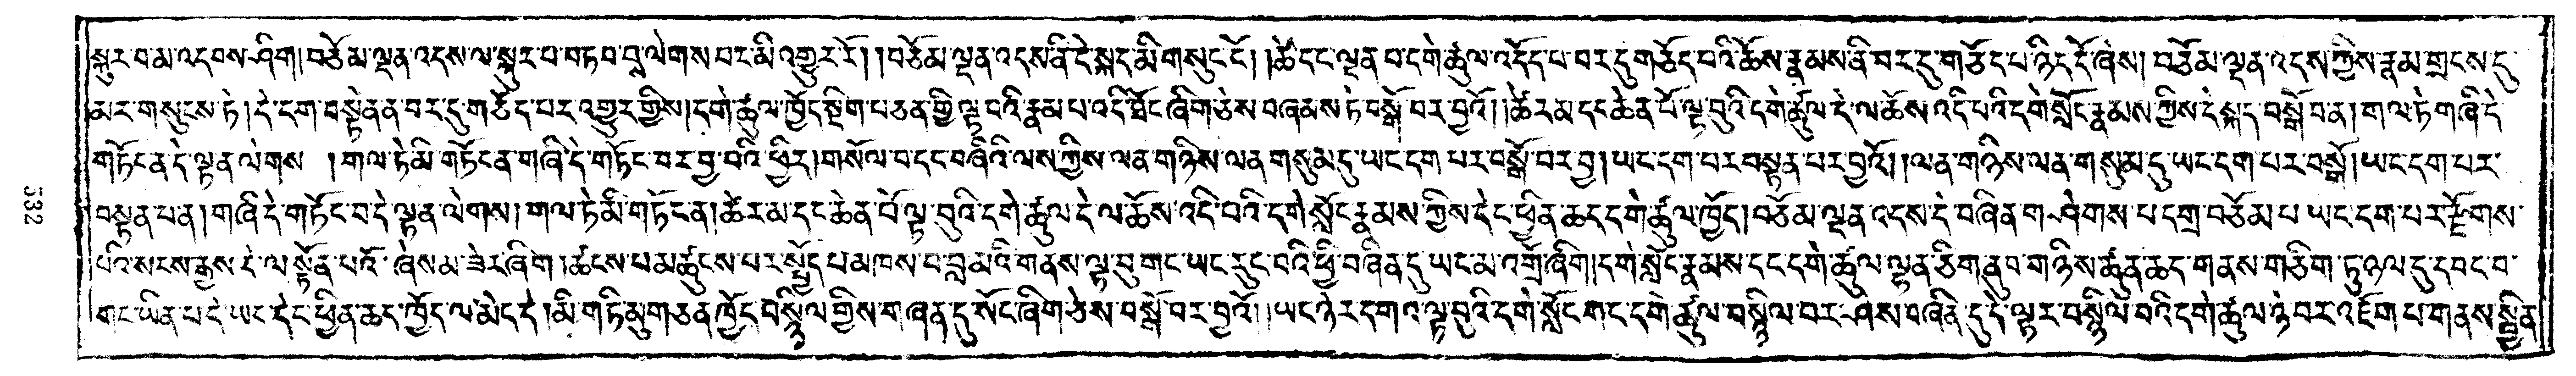སྐུར་བ་མ་འདབས་ཤིག། བཅོམ་ལྡན་འདས་ལ་སྐུར་པ་བཏབ་བས་ལེགས་བར་མི་འགྱུར་རོ། །བཅོམ་ལྡན་འདས་ནི་དེ་སྐད་མི་གསུང་ངོ། །ཚེ་དང་ལྡན་པ་དགེ་ཚུལ་འདོད་པ་བར་དུ་གཅོད་པའི་ཆོས་རྣམས་ནི་བར་དུ་གཅོད་པ་ཉིད་དོ་ཞེས། བཅོམ་ལྡན་འདས་ཀྱིས་རྣམ་གྲངས་དུ་
མར་གསུངས་ཏེ། དེ་དག་བསྟེན་ན་བར་དུ་གཅོད་པར་འགྱུར་གྱིས། དགེ་ཚུལ་ཁྱོད་སྡིག་པ་ཅན་གྱི་ལྟ་བའི་རྣམ་པ་འདི་ཐོང་ཞིག་ཅེས་བཞམས་ཏེ་བསྒོ་བར་བྱའོ། །ཚེར་མ་དང་ཆེན་པོ་ལྟ་བུའི་དགེ་ཚུལ་དེ་ལ་ཆོས་འདི་པའི་དགེ་སློང་རྣམས་ཀྱིས་དེ་སྐད་བསྒོ་བ་ན། གལ་ཏེ་གཞི་དེ་
གཏོང་ན་དེ་ལྟ་ན་ལེགས་།གལ་ཏེ་མི་གཏོང་ན་གཞི་དེ་གཏོང་བར་བྱ་བའི་ཕྱིར། གསོལ་བ་དང་བཞིའི་ལས་ཀྱིས་ལན་གཉིས་ལན་གསུམ་དུ་ཡང་དག་པར་བསྒོ་བར་བྱ། ཡང་དག་པར་བསྟན་པར་བྱའོ། །ལན་གཉིས་ལན་གསུམ་དུ་ཡང་དག་པར་བསྒོ །ཡང་དག་པར་
བསྟན་པ་ན། གཞི་དེ་གཏོང་བ་དེ་ལྟན་ལེགས། གལ་ཏེ་མི་གཏོང་ན། ཚེར་མ་དང་ཆེན་པོ་ལྟ་བུའི་དགེ་ཚུལ་དེ་ལ་ཆོས་འདི་བའི་དགེ་སློང་རྣམས་ཀྱིས་དེང་ཕྱིན་ཆད་དགེ་ཚུལ་ཁྱོད། བཅོམ་ལྡན་འདས་དེ་བཞིན་གཤེགས་པ་དགྲ་བཅོམ་པ་ཡང་དག་པར་རྫོགས་
པའི་སངས་རྒྱས་དེ་ལ་སྟོན་པའོ་ཞེས་མ་ཟེར་ཞིག །ཚངས་པ་མཚུངས་པར་སྤྱོད་པ་མཁས་བ་བླ་མའི་གནས་ལྟ་བུ་གང་ཡང་རུང་བའི་ཕྱི་བཞིན་དུ་ཡང་མ་འགྲོ་ཞིག། དགེ་སློང་རྣམས་དང་དགེ་ཚུལ་ལྷན་ཅིག་ནུབ་གཉིས་ཚུན་ཆད་གནས་གཅིག་ཏུ་ཉལ་དུ་དབང་བ་
གང་ཡིན་པ་དེ་ཡང་དེང་ཕྱིན་ཆད་ཁྱོད་ལ་མེད་དེ། མི་གཏི་མུག་ཅན་ཁྱོད་བསྙིལ་གྱིས་གཞན་དུ་སོང་ཞིག་ཅེས་བསྒོ་བར་བྱའོ། །ཡང་ཉེར་དགའ་ལྟ་བུའི་དགེ་སློང་གང་དགེ་ཚུལ་བསྙིལ་བར་ཤེས་བཞིན་དུ་དེ་ལྟར་བསྙིལ་བའི་དགེ་ཚུལ་ཉེ་བར་འཇོག་པ་གནས་སྦྱིན་